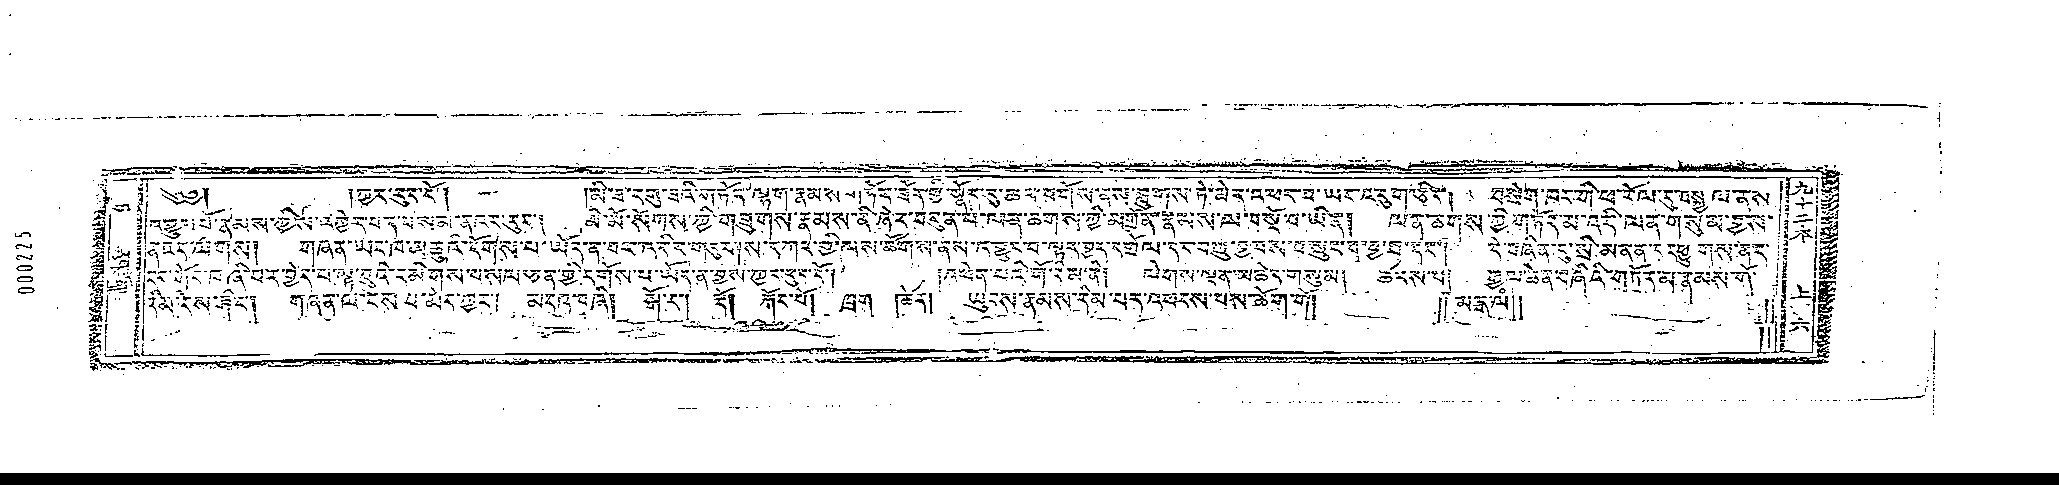༄༅། །ཀྱང་རུང་ངོ། །མི་ཟ་དགུ་ཟའི་གཏོར་ལྷག་རྣམས་གཏོར་ཟོར་གྱི་སྣོད་དུ་ཆར་བགོས་ནས་བླུགས་ཏེ་མེར་འཕང་བ་ཡང་འདུག་ཅིང་། བསྲེག་ཁང་གི་ཕ་རོལ་དུ་བསྐྱལ་ནས་
འབྱུང་པོ་རྣམས་ཀྱིས་འཁྱེར་བར་བསམ་ན་འང་རུང་། མི་མོ་སོགས་ཀྱི་གཟུགས་རྣམས་ནི་ཉེར་བདུན་པ་ལན་ཆགས་ཀྱི་མགྲོན་རྣམས་ལ་བསྔོ་བ་ཡིན། ལན་ཆགས་ཀྱི་གཏོར་མ་འདི་ལན་གསུམ་བྱས་
ནའང་ལེགས། གཞན་ཡང་ཁ་མཆུའི་དོགས་པ་ཡོད་ན་བར་འདིར་གདུགས་དཀར་གྱི་ལས་ཚོགས་ནས་འབྱུང་བ་ལྟར་བྱད་དགྲོལ་དང་བཀྲུ་བྱབས་བསྲུང་བ་བྱ་བ་དང་། དེ་བཞིན་དུ་སྲི་མནན་དང་ཕྱུགས་ནང་
དང་གོད་ཁ་ཞི་བར་བྱེད་པ་ལྟ་བུའི་དམིགས་བསལ་ཅན་གྱི་དགོས་པ་ཡོད་ན་བྱས་ཀྱང་རུང་ངོ། །འཕེན་པའི་གོ་རིམ་ནི། ལེགས་ལྡན་མཆེད་གསུམ། ཚངས་པ། རྒྱལ་ཆེན་བཞིའི་གཏོར་མ་རྣམས་གོ་
རིམ་ངེས་ཤིང་། གཞན་ལ་ངེས་པ་མེད་ཀྱང་། མངའ་བཞི། སྒོང་། རྡོ། །རྐོད་པོ། ཁྲག །ཚེར། །ཡུངས་རྣམས་རིམ་པར་འཕངས་བས་ཆོག་གོ། །།མངྒ་ལཾ།། །།
།།